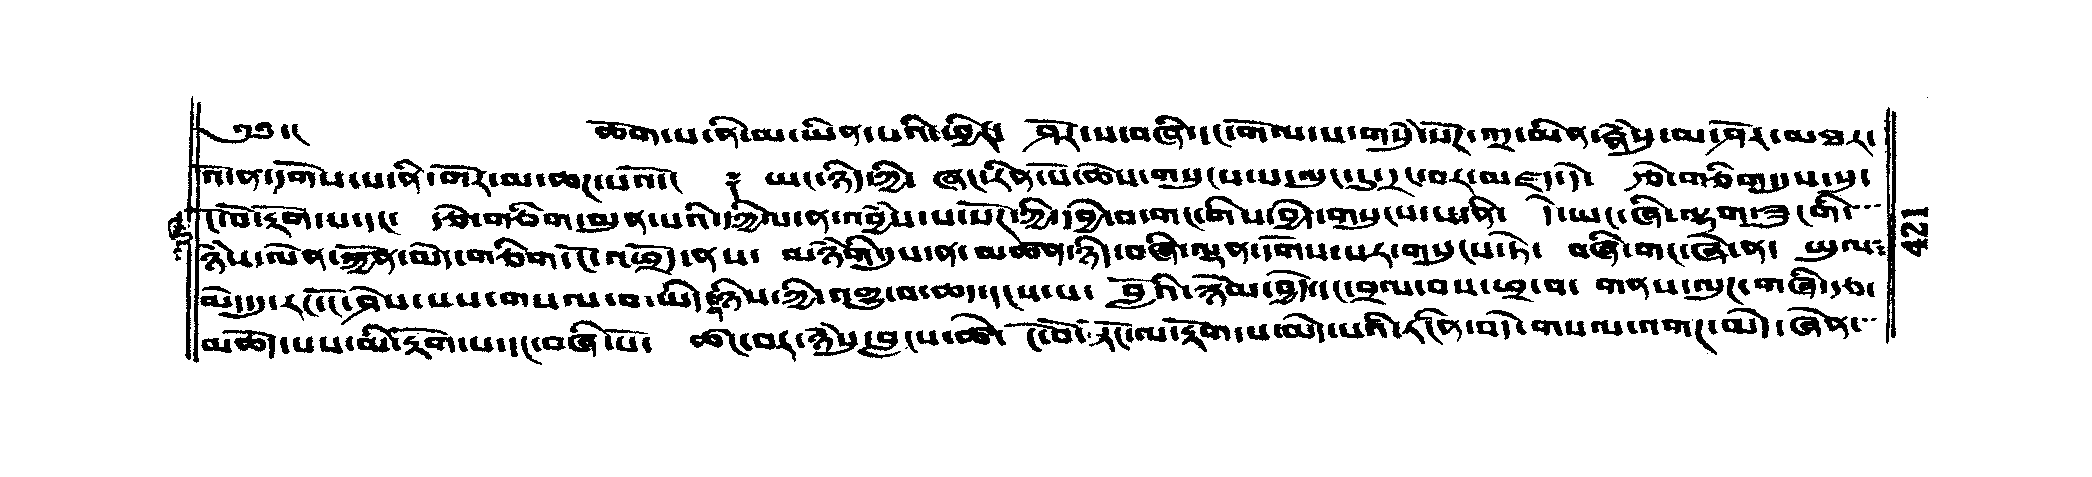ཆོག་པ་ནི་མ་ཡིན་ཕྱིར། ཤོར་བ་བཞི་དང་གོལ་ས་གསུམ་སོགས་འདྲ་མིན་རྣམས་སུ་མ་ཤོར་མཐར་
འོ་ན་དགོས་པ་ནི་གོར་མ་ཆགས་སོ། ༈ ཡང་ཉིད་ཀྱིས། ཞང་རིན་པོ་ཆེས་གསུངས་པ་ལུང་དུ་དྲང་བར་མཛད་དེ། རྩེ་གཅིག་དུས་སུ་
ངོ་བོ་རྟོག་པ་དང་། རྩེ་གཅིག་མུན་པའི་དཀྱིལ་ན་འབྱམས་པ་སོགས་ཀྱི་དབྱེ་བ་གང་གིས་བྱེད་གསུངས་པ་ནི། དེ་ཡང་ཞི་ལྷག་ཟུང་འཇུག་གི་
ཉམས་ལེན་སྐྱོན་མེད་གཅིགགོ་འཕྲོད་ནས། མཉམ་གཞག་གི་དུས་ན་མཚན་ཉིད་བཞི་ལྡན་དགོས་པར་གསུངས་ཏེ། བཞི་གང་ཞེ་ན། ཡུལ་
མེད་དུ་རང་ངོ་ཤེས་པས་གསལ་བ་ཡིད་གཉིས་ཀྱི་འགྱུ་བ་ཆད་དངས་པ། བློའི་སྙོམ་བྱེད་དང་བྲལ་བས་ཕྲ་བ། གནས་ལུགས་གཞི་རྩ་
ཆོད་པས་མི་རྟོག་པ་དང་བཞི་པོ་ཚང་བར་ཉམས་སུ་བླང་ཚེ།ངོ་བོ་སྟོང་ལ་རྟོག་པ་མེད་པའི་རང་བཞིན་བདེ་གསལ་འགག་མེད་ཞེན་